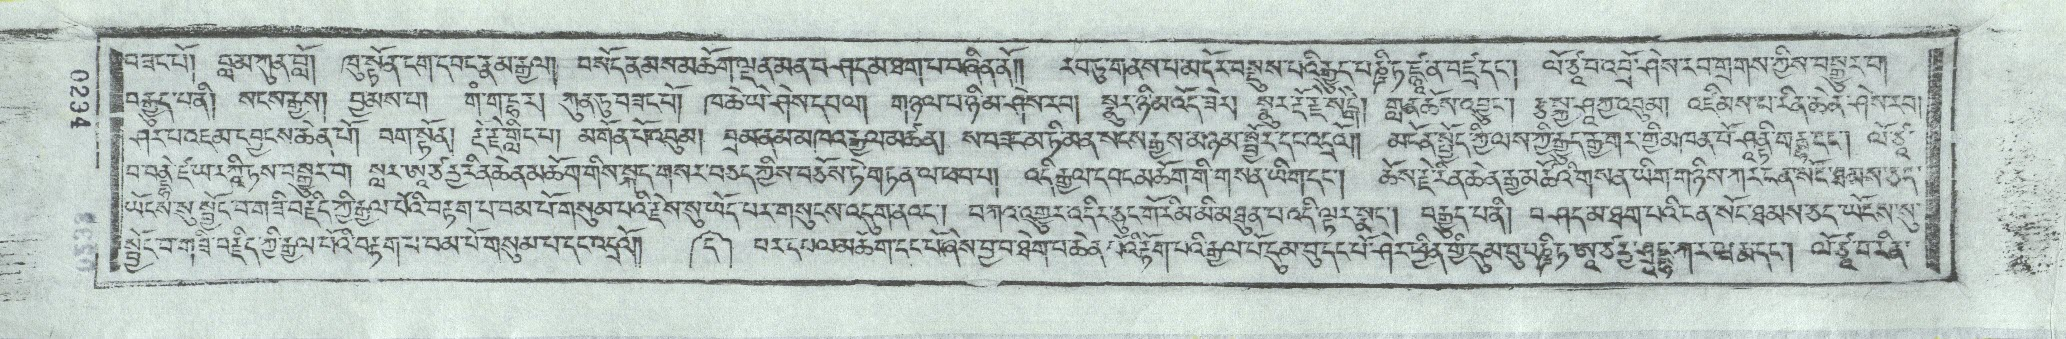བཟང་པོ། བླ་མ་ཀུན་བློ། ཁུ་སྟོན་ངག་དབང་རྣམ་རྒྱལ། བསོད་ནམས་མཆོག་ལྡན་མན་བཤད་མ་ཐག་པ་བཞིན་ནོ།། རབ་ཏུ་གནས་པ་མདོར་བསྡུས་པའི་རྒྱུད་པ་པཎྜི་ཏ་ཛྙཱ་ན་བཛྲ་དང་། ལོ་ཙཱ་བ་འབྲོ་ཤེས་རབ་གྲགས་ཀྱིས་བསྒྱུར་བ།
བརྒྱུད་པ་ནི། སངས་རྒྱས། བྱམས་པ། གི་ག་དྷ་ར། ཀུན་ཏུ་བཟང་པོ། ཁ་ཆེ་ཡེ་ཤེས་དཔལ། གཉལ་པ་ཉི་མ་ཤེས་རབ། སྣུར་ཉི་མ་འོད་ཟེར། སྣུར་རྡོ་རྗེ་སེངྒེ། གླན་ཆོས་འབྱུང་། རྩ་སྐྱ་ཤཱཀྱ་འབུམ། འཛིམས་པ་རིན་ཆེན་ཤེས་རབ།
ཤར་པ་འཇམ་དབྱངས་ཆེན་པོ། བག་སྟོན། རྡོ་རྗེ་གླིང་པ། མགོན་པོ་འབུམ། བྲམ་ནམ་མཁའ་རྒྱལ་མཚན། ས་བཟང་མ་ཏི་མན་སངས་རྒྱས་མཉམ་སྦྱོར་དང་འདྲའོ།། མངོན་སྤྱོད་ཀྱི་ལས་ཀྱི་རྒྱུད་རྒྱ་གར་གྱི་མཁན་པོ་ཤནྟི་བརྦྷ་དང་། ལོ་ཙཱ་
བ་བནྡྷེ་ཛ་ཡ་རཀྵི་ཏས་བསྒྱུར་བ། སླར་ཨཱ་ཙ་རྱེ་རིན་ཆེན་མཆོག་གིས་སྐད་གསར་བཅད་ཀྱིས་བཅོས་ཏེ་གཏན་ལ་ཕབ་པ། འདི་རྒྱལ་དབང་མཆོག་གི་གསན་ཡིག་དང་། ཆོས་རྗེ་རིན་ཆེན་རྒྱ་མཚོའི་གསན་ཡིག་གཉིས་ཀར་ངན་སོང་ཐམས་ཅད་
ཡོངས་སུ་སྦྱོང་པ་གཟི་བརྗིད་ཀྱི་རྒྱལ་པོའི་བརྟག་པ་བམ་པོ་གསུམ་པའི་རྗེས་སུ་ཡོད་པར་གསུངས་འདུག་ནའང་། བཀའ་འགྱུར་འདིར་ཅུང་གོ་རིམ་མི་མཐུན་པ་འདི་ལྟར་སྣང་། བརྒྱུད་པ་ནི། བཤད་མ་ཐག་པའི་ངན་སོང་ཐམས་ཅད་ཡོངས་སུ་
སྦྱོང་བ་གཟི་བརྗིད་ཀྱི་རྒྱལ་པོའི་བརྟག་པ་བམ་པོ་གསུམ་པ་དང་འདྲའོ།། {ད}་པར་དཔལ་མཆོག་དང་པོ་ཞེས་བྱ་བ་ཐེག་པ་ཆེན་པོའི་རྟོག་པའི་རྒྱལ་པོ་དུམ་བུ་དང་པོ་ཤེར་ཕྱིན་གྱི་དུམ་བུ་པཎྜི་ཏ་ཨཱ་ཙརྱ་ཤྲཱ་དྡྷ་ཀ་ར་ཝརྨ་དང་། ལོ་ཙཱ་བ་རིན་